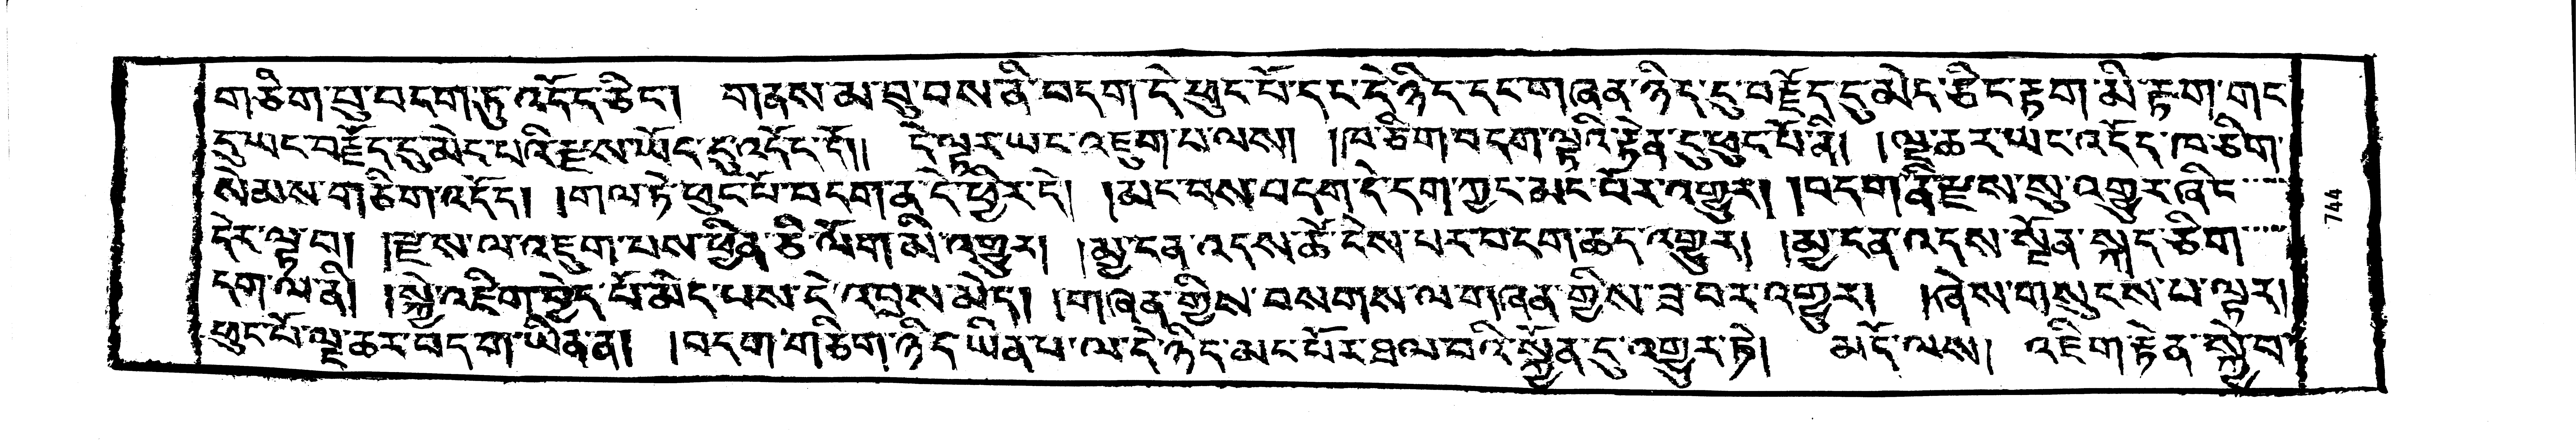གཅིག་པུ་བདག་ཏུ་འདོད་ཅིང་། གནས་མ་བུ་བས་ནི་བདག་དེ་ཕུང་པོ་དང་དེ་ཉིད་དང་གཞན་ཉིད་དུ་བརྗོད་དུ་མེད་ཅིང་རྟག་མི་རྟག་གང་
དུ་ཡང་བརྗོད་དུ་མེད་པའི་རྫས་ཡོད་དུ་འདོད་དོ། །དེ་ལྟར་ཡང་འཇུག་པ་ལས། །ཁ་ཅིག་བདག་ལྟའི་རྟེན་དུ་ཕུང་པོ་ནི། །ལྔ་ཆར་ཡང་འདོད་ཁ་ཅིག་
སེམས་གཅིག་འདོད། །གལ་ཏེ་ཕུང་པོ་བདག་ན་དེ་ཕྱིར་དེ། །མང་པས་བདག་དེ་དག་ཀྱང་མང་པོར་འགྱུར། །བདག་ནི་རྫས་སུ་འགྱུར་ཞིང་
དེར་ལྟ་བ། །རྫས་ལ་འཇུག་པས་ཕྱིན་ཅི་ལོག་མི་འགྱུར། །མྱ་ངན་འདས་ཚེ་ངེས་པར་བདག་ཆད་འགྱུར། །མྱ་ངན་འདས་སྔོན་སྐད་ཅིག་
དག་ལ་ནི། །སྐྱེ་འཇིག་བྱེད་པོ་མེད་པས་དེ་འབྲས་མེད། །གཞན་གྱིས་བསགས་ལ་གཞན་གྱིས་ཟ་བར་འགྱུར། །ཞེས་གསུངས་པ་ལྟར།
ཕུང་པོ་ལྔ་ཆར་བདག་ཡིན་ན། །བདག་གཅིག་ཉིད་ཡིན་པ་ལ་དེ་ཉིད་མང་པོར་ཐལ་བའི་སྐྱོན་དུ་འགྱུར་ཏེ། མདོ་ལས། འཇིག་རྟེན་སྐྱེ་བ་